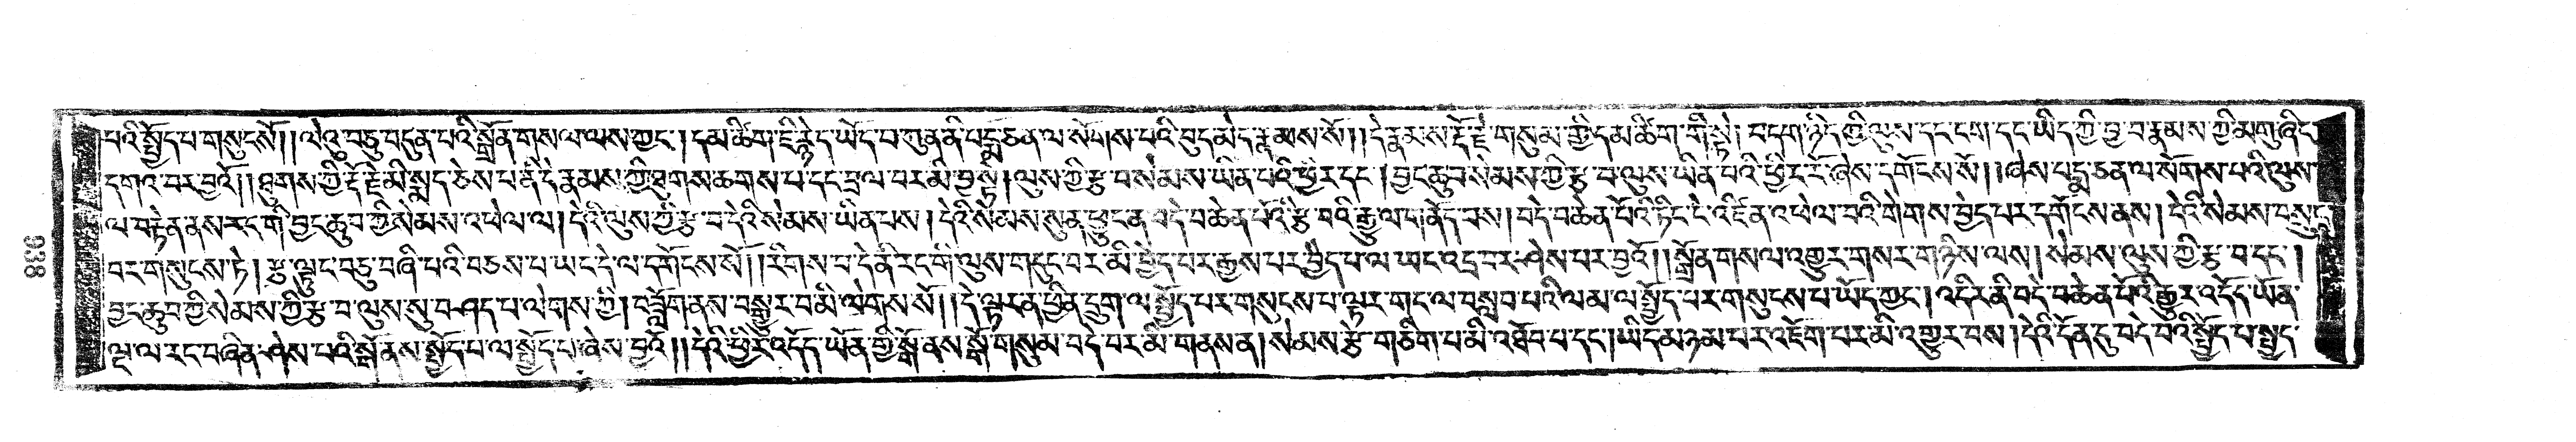པའི་སྤྱོད་པ་གསུངས། །ལེའུ་བཅུ་བདུན་པའི་སྒྲོན་གསལ་ལས་ཀྱང་། དམ་ཚིག་ཇི་རྙེད་ཡོད་པ་ཀུན་ནི་པདམ་ཅན་ལ་སོགས་པའི་བུད་མེད་རྣམས་སོ། །དེ་རྣམས་རྡོ་རྗེ་གསུམ་གྱི་དམ་ཚིག་གི་སྟེ། བདག་ཉིད་ཀྱི་ལུས་དང་ངག་དང་ཡིད་ཀྱི་བྱ་བ་རྣམས་ཀྱི་མགུ་ཞིང་
དགའ་བར་བྱའོ། །ཐུགས་ཀྱི་རྡོ་རྗེ་མི་སྨད་ཅེས་པ་ནི་དེ་རྣམས་ཀྱི་ཐུགས་ཆགས་པ་དང་བྲལ་བར་མི་བྱ་སྟེ། ལུས་ཀྱི་རྩ་བ་སེམས་ཡིན་པའི་ཕྱིར་དང་། བྱང་ཆུབ་སེམས་ཀྱི་རྩ་བ་ལུས་ཡིན་པའི་ཕྱིར་རོ་ཞེས་དགོངས་སོ། །ཞེས་པདམ་ཅན་ལ་སོགས་པའི་ལུས་
ལ་བརྟེན་ནས་རང་གི་བྱང་ཆུབ་ཀྱི་སེམས་འཕེལ་ལ། དེའི་ལུས་ཀྱི་རྩ་བ་དེའི་སེམས་ཡིན་པས། དེའི་སེམས་སུན་ཕྱུང་ན་བདེ་བ་ཆེན་པོའི་རྩེ་བའི་རྒྱུ་ལ་གནོད་པས། བདེ་བ་ཆེན་པོའི་ཏིང་ངེ་འཛིན་འཕེལ་བའི་གེགས་བྱེད་པར་དགོངས་ནས། དེའི་སེམས་བསྲུང་
བར་གསུངས་ཏེ། རྩ་ལྟུང་བཅུ་བཞི་པའི་བཅས་པ་ཡང་དེ་ལ་དགོངས་སོ། །རིགས་པ་དེ་ནི་རང་གི་ལུས་གདུང་བར་མི་བྱེད་པར་རྒྱས་པར་བྱེད་པ་ལ་ཡང་འདྲ་བར་ཤེས་པར་བྱའོ། །སྒྲོན་གསལ་འགྱུར་གསར་གཉིས་ལས། སེམས་ལུས་ཀྱི་རྩ་བ་དང་།
བྱང་ཆུབ་ཀྱི་སེམས་ཀྱི་རྩ་བ་ལུས་སུ་བཤད་པ་ལེགས་ཀྱི། བཟློག་ནས་བསྒྱུར་བ་མི་ལེགས་སོ། །དེ་ལྟར་ན་ཕྱིན་དྲུག་ལ་སྤྱོད་པར་གསུངས་པ་ལྟར་གང་ལ་བསླབ་པའི་ལམ་ལ་སྤྱོད་པར་གསུངས་པ་ཡོད་ཀྱང་། འདིར་ནི་བདེ་བ་ཆེན་པོའི་རྒྱུར་འདོད་ཡོན་
ལྔ་ལ་རང་བཞིན་ཤེས་པའི་སྒོ་ནས་སྤྱོད་པ་ལ་སྤྱོད་པ་ཞེས་བྱའོ། །དེའི་ཕྱིར་འདོད་ཡོན་གྱི་སྒོ་ནས་སྒོ་གསུམ་བདེ་བར་མི་གནས་ན། སེམས་རྩེ་གཅིག་པ་མི་འཐོབ་པ་དང་། ཡིད་མཉམ་པར་འཇོག་པར་མི་འགྱུར་བས། དེའི་དོན་དུ་བདེ་བའི་སྤྱོད་པ་སྤྱད་